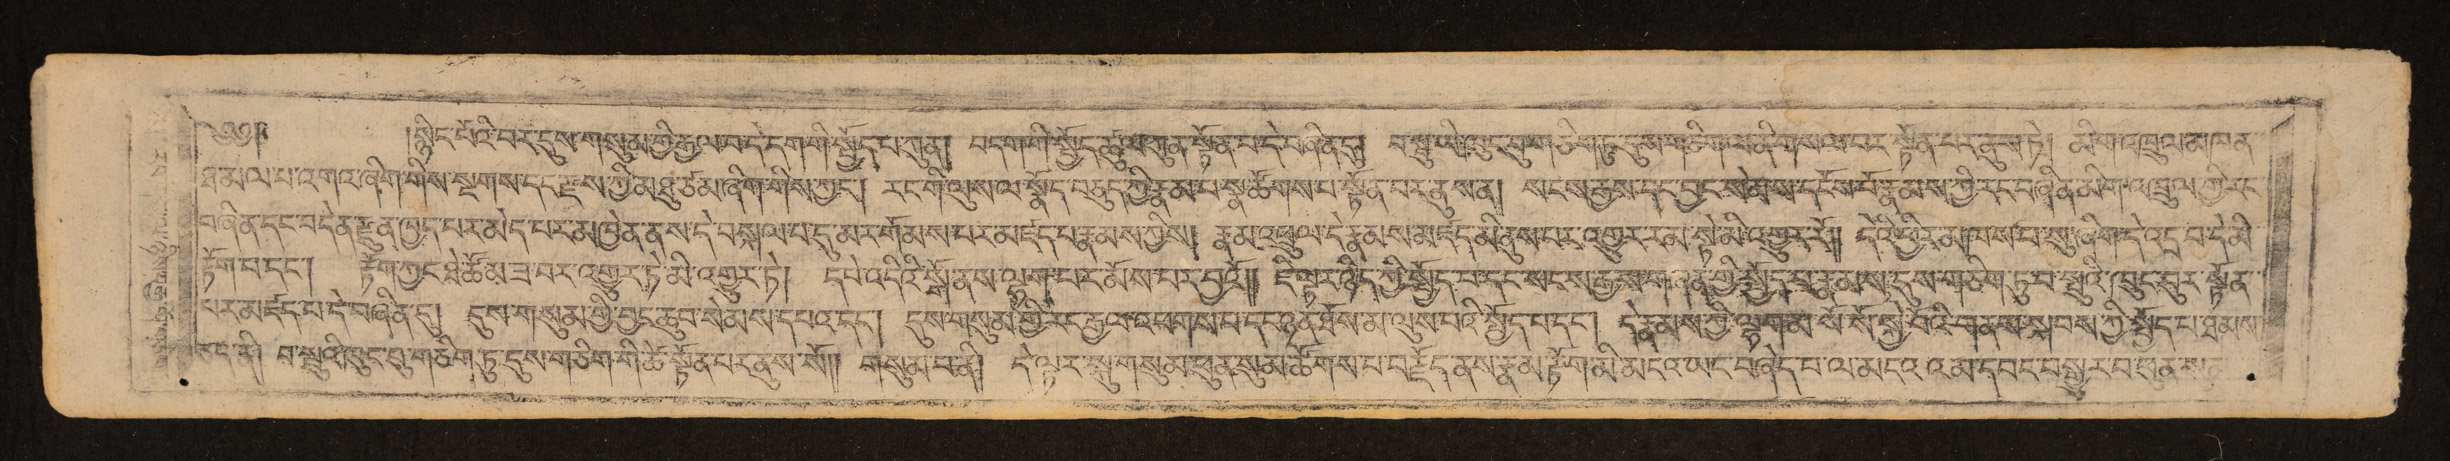༄༅། །སྙིང་པོའི་བར་དུས་གསུམ་གྱི་རྒྱལ་བ་དེ་དག་གི་སྤྱོད་པ་ཀུན། བདག་གི་སྤྱོད་ཚུལ་ཀུན་སྟོན་པ་དེ་བཞིན་དུ། བ་སྤུ་ཡི་ཁུང་བུ་གཅིག་ཏུ་དུས་གཅིག་ལ་ནི་གསལ་བར་སྟོན་པར་ནུས་ཏེ། མིག་འཕྲུལ་མཁན་
ཐ་མལ་པ་འགའ་ཞིག་གིས་སྔགས་དང་རྫས་ཀྱི་མཐུ་ཙམ་ཞིག་གིས་ཀྱང་། རང་གི་ལུས་ལ་སྣོད་བཅུད་ཀྱི་རྣམ་པ་སྣ་ཚོགས་པ་སྟོན་པར་ནུས་ན། སངས་རྒྱས་དང་བྱང་སེམས་དངོས་པོ་རྣམས་ཀྱི་རང་བཞིན་མིག་འཁྲུལ་གྱི་རང་
བཞིན་དང་བདེན་རྫུན་ཁྱད་པར་མེད་པར་མཁྱེན་ནས་དེ་བསྐལ་པ་དུ་མར་གོམས་པར་མཛད་པ་རྣམས་ཀྱིས། རྣམ་འཕྲུལ་དེ་རྣམས་མཛད་མི་ནུས་པར་འགྱུར་རམ་སྟེ་མི་འགྱུར་རོ།། དེའི་ཕྱིར་མཁས་པ་སུ་ཞིག་དེ་འདྲ་བ་དེ་མི་
རྟོག་པ་དང་། རྟོགས་ཀྱང་ཐེ་ཚོམ་ཟ་བར་འགྱུར་ཏེ་མི་འགྱུར་ཏེ། དཔེ་འདིའི་སྒོ་ནས་ལྷག་པར་མོས་པར་བྱའོ།། ཇི་ལྟར་ཉིད་ཀྱི་སྤྱོད་པ་དང་སངས་རྒྱས་གཞན་གྱི་སྤྱོད་པ་རྣམས་དུས་གཅིག་ཏུ་བ་སྤུའི་ཁུང་བུར་སྟོན་
པར་མཛད་པ་དེ་བཞིན་དུ། དུས་གསུམ་གྱི་བྱང་ཆུབ་སེམས་དཔའ་དང་། དུས་གསུམ་གྱི་རང་རྒྱལ་འཕགས་པ་དང་ཉན་ཐོས་མ་ལུས་པའི་སྤྱོད་པ་དང་། དེ་རྣམས་ཀྱི་ལྷག་མ་སོ་སོ་སྐྱེ་བོའི་གནས་སྐབས་ཀྱི་སྤྱོད་པ་ཐམས་
ཅད་ནི། བ་སྤུའི་ཁུང་བུ་གཅིག་ཏུ་དུས་གཅིག་གི་ཚེ་སྟོན་པར་ནུས་སོ།། གསུམ་པ་ནི། དེ་ལྟར་སྐུ་གསུམ་ཕུན་སུམ་ཚོགས་པ་བརྗོད་ནས་རྣམ་རྟོག་མི་མངའ་ཡང་བཞེད་པ་ལ་མངའ་འམ་དབང་བསྒྱུར་བ་ཕུན་སུམ་